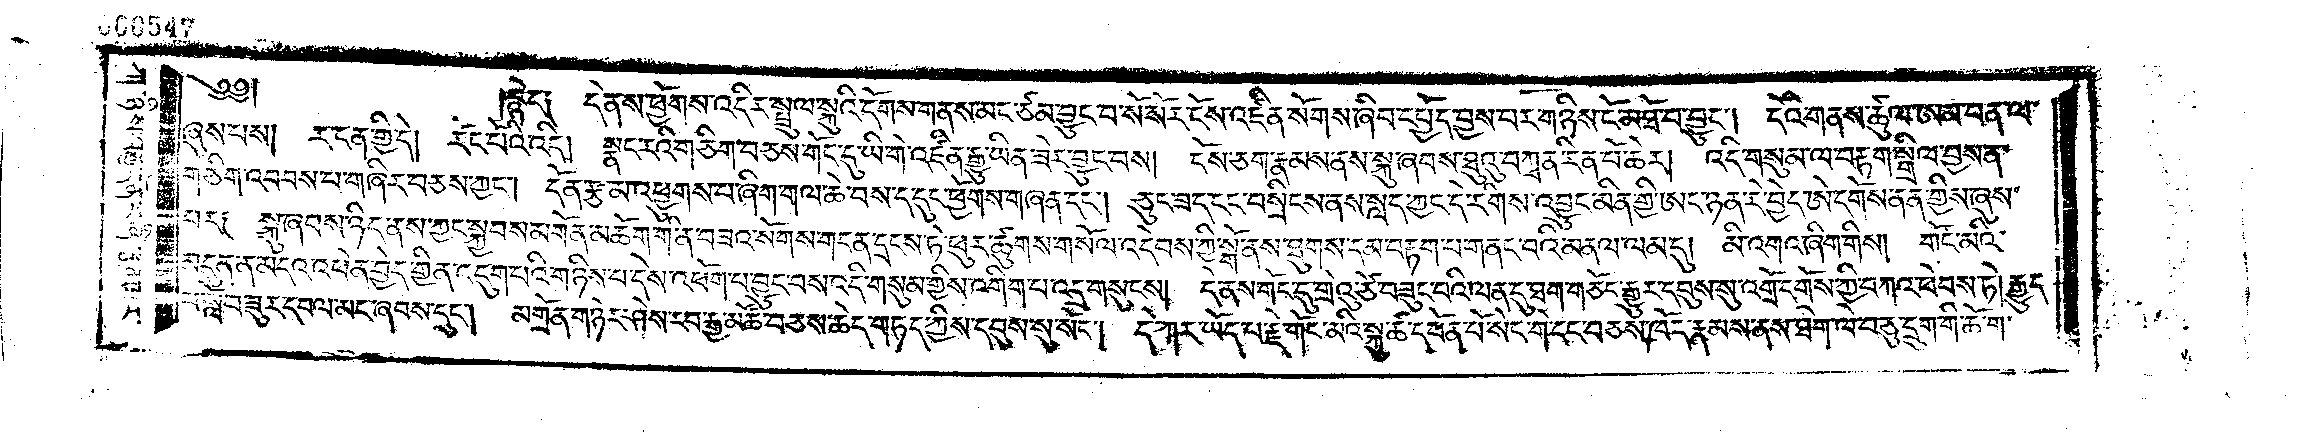༄༅། །རྙེད༑ དེ་ནས་ཕྱོགས་འདིར་སྤྲུལ་སྐུའི་དོགས་ནས་མང་ཙམ་བྱུང་བ་སོ་སོར་ངོས་འཛིན་སོགས་ཞིབ་དཔྱོད་བྱས་པར་གཉིས་ངོ་མཐོ་བ་བྱུང་། དེའི་གནས་ཚུལ་ཨ་མ་བན་ལ་
ཞུས་པས། ར་ངན་གྱི་དེ། རོང་པོའི་འདི། སྣང་རའི་གཅིག་བཅས་གོང་དུ་ཡི་གེ་འཛིན་རྒྱུ་ཡིན་ཟེར་བྱུང་བས། ངོས་ཅག་རྣམས་ནས་སྐུ་ཞས་ཐུའུ་བཀྭན་རིན་པོ་ཆེར། འདི་གསུམ་ལ་བརྟག་སྒྲིལ་བྱས་ན་
གཅིག་འབབས་པ་གཞིར་བཅས་ཀྱང་། དོན་རྩ་མ་འཕྱུགས་བ་ཞིག་གལ་ཆེ་བས་ད་དུང་ཕྱོགས་གཞན་དང་། ཅུང་ཟད་དང་བསྲིངས་ནས་སླད་ཀྱང་དེ་རིགས་འབྱུང་མིན་གྱི་ཨང་ཉན་རེ་བྱེད་ཨེ་དགོས་ནན་གྱིས་ཞུས་
པར༑ སྐུ་ཞབས་ཉིད་ནས་ཀྱང་སྐྱབས་མགོན་མཆོག་གི་ན་བཟའ་སོགས་གདན་དྲངས་ཏེ་ཕུར་ཚུགས་གསོལ་འདེབས་ཀྱི་སྒོ་ནས་ཐུགས་དམ་བརྟག་པ་གནང་བའི་མནལ་ལམ་དུ། མི་འགའ་ཞིག་གིས། གོང་མའི་
མདུན་ན་མདའ་འཕེན་བྱེད་གྱིན་འདུག་པའི་གཉིས་པ་དེས་འཕོག་པ་བྱུང་བས་འདི་གསུམ་གྱིས་འགིག་པ་འདྲ་གསུངས། དེ་ནས་གོང་དུ་གྲེའུ་ཙེ་བཟུང་བའི་ལན་དུ་ཐག་གཅོད་རྒྱུར་དབུས་སུ་འགྲོ་དགོས་ཀྱི་བཀའ་ཕེབས་ཏེ། རྒྱུད་
པ་སློ་བཟུར་དཔལ་མང་ཞབས་དྲུང་། མགྲོན་གཉེར་ཤེས་རབ་རྒྱ་མཚོ་བཅས་ཆེད་གཏད་ཀྱིས་དབུས་སུ་སོང་། དེ་ཀར་ཡོད་པ་རྗེ་གོང་མའི་སྐུ་ཚ་དཔོན་པོ་སེང་གེ་དང་བཅས་ཁོང་རྣམས་ནས་ཐིག་ལེ་བཅུ་དྲུག་གི་ཆོ་ག་